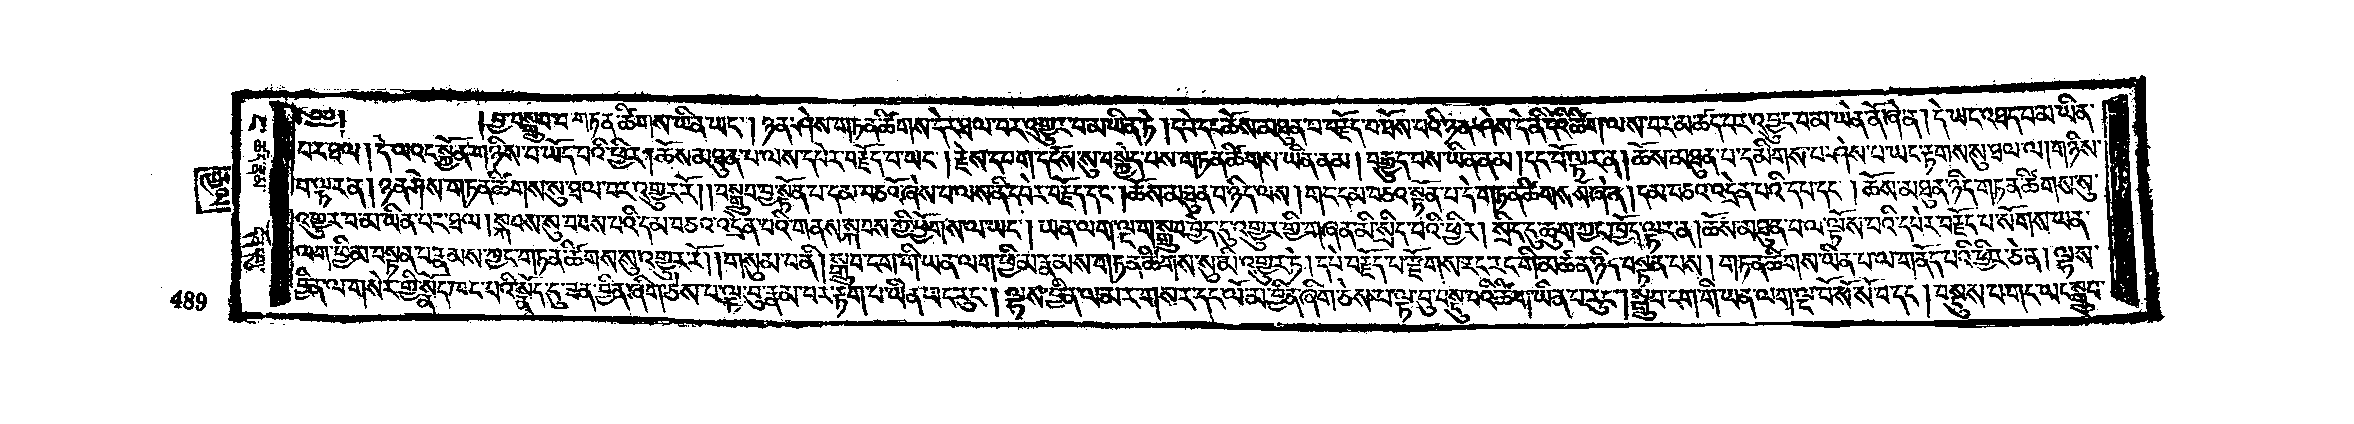༄༅། །བྱ་བ་བསྒྲུབ་པ་གཏན་ཚིགས་ཡིན་ཡང་། ཉན་ཤེས་གཏན་ཚིགས་དེར་ཐལ་བར་འགྱུར་བ་མ་ཡིན་ཏེ། དཔེ་དང་ཆོས་མཐུན་པ་བརྗོད་པ་ཐོས་པའི་ཉན་ཤེས་དེ་ནི་དེའི་ཚིགས་ལས་བར་མཚད་པར་འབྱུང་བ་མ་ཡིན་ནོ་ཞེ་ན། དེ་ཡང་འཐད་པ་མ་ཡིན་
པར་ཐལ། དེ་ལའང་སྐྱོན་གཉིས་པ་ཡོད་པའི་ཕྱིར། ཆོས་མཐུན་པ་ལས་དཔེར་བརྗོད་པ་ཡང་། རྗེས་དཔག་དངོས་སུ་བསྐྱེད་པས་གཏན་ཚིགས་ཡིན་ནམ། བརྒྱུད་པས་ཡིན་ནམ། དང་པོ་ལྟར་ན། ཆོས་མཐུན་པ་དམིགས་པ་ཤེས་པ་ཡང་རྟགས་སུ་ཐལ་ལ། གཉིས་
པ་ལྟར་ན། ཉན་ཤེས་གཏན་ཚིགས་སུ་ཐལ་བར་འགྱུར་རོ། །བསྒྲུབ་བྱ་སྟོན་པ་དམ་བཅའོ་ཞེས་པ་ལས་ནི་དཔེར་བརྗོད་དང་། ཆོས་མཐུན་པ་ཉིད་ལས། གང་དམ་བཅའ་སྟོན་པ་དེ་གཏན་ཚིགས་སོ་ཞེ་ན། དམ་བཅའ་འདྲེན་པའི་དཔེ་དང་། ཆོས་མཐུན་ཉིད་གཏན་ཚིགས་སུ་
འགྱུར་བ་མ་ཡིན་པར་ཐལ། སྐབས་སུ་བབས་པའི་དམ་བཅའ་འདྲེན་པའི་གནས་སྐབས་ཀྱི་ཕྱོགས་ལ་ཡང་། ཡན་ལག་ལྔ་ག་སྒྲུབ་བྱེད་དུ་འགྱུར་གྱི་གཞན་མི་སྲིད་པའི་ཕྱིར། སྲིད་དུ་ཆུག་ཀྱང་ཁྱོད་ལྟར་ན། ཆོས་མཐུན་པ་ལ་ལྟོས་པའི་དཔེར་བརྗོད་པ་སོགས་ཡན་
ལག་ཕྱི་མ་བསྟན་པ་རྣམས་ཀྱང་གཏན་ཚིགས་སུ་འགྱུར་རོ། །གསུམ་པ་ནི། སྒྲུབ་ངག་གི་ཡན་ལག་ཕྱི་མ་རྣམས་གཏན་ཚིགས་སུ་མི་འགྱུར་ཏེ། དཔེ་བརྗོད་པ་རྫོགས་པ་རྫོགས་རང་རང་གི་མཚན་ཉིད་བསྟན་པས། གཏན་ཚིགས་ཡིན་པ་ལ་གནོད་པའི་ཕྱིར་ཅེ་ན། ལྷས་
བྱིན་ལ་གསེར་གྱི་སྣོད་ཁང་པའི་སྣོད་དུ་ཟན་བྱིན་ཞིག་ཅེས་པ་ལྟ་བུ་རྣམ་པར་རྟག་པ་ཡིན་ཡང་རུང་། ལྷས་བྱིན་ལ་མར་གསར་དང་ལོ་མ་བྱིན་ཞིག་ཅེས་པ་ལྟར་བུ་བསྡུ་བའི་ཚིག་ཡིན་པ་རུང་། སྒྲུབ་ངག་གི་ཡན་ལག་ལྔ་པོ་སོ་སོ་བ་དང་། བསྡུས་པ་གང་ཡང་སྒྲུབ་